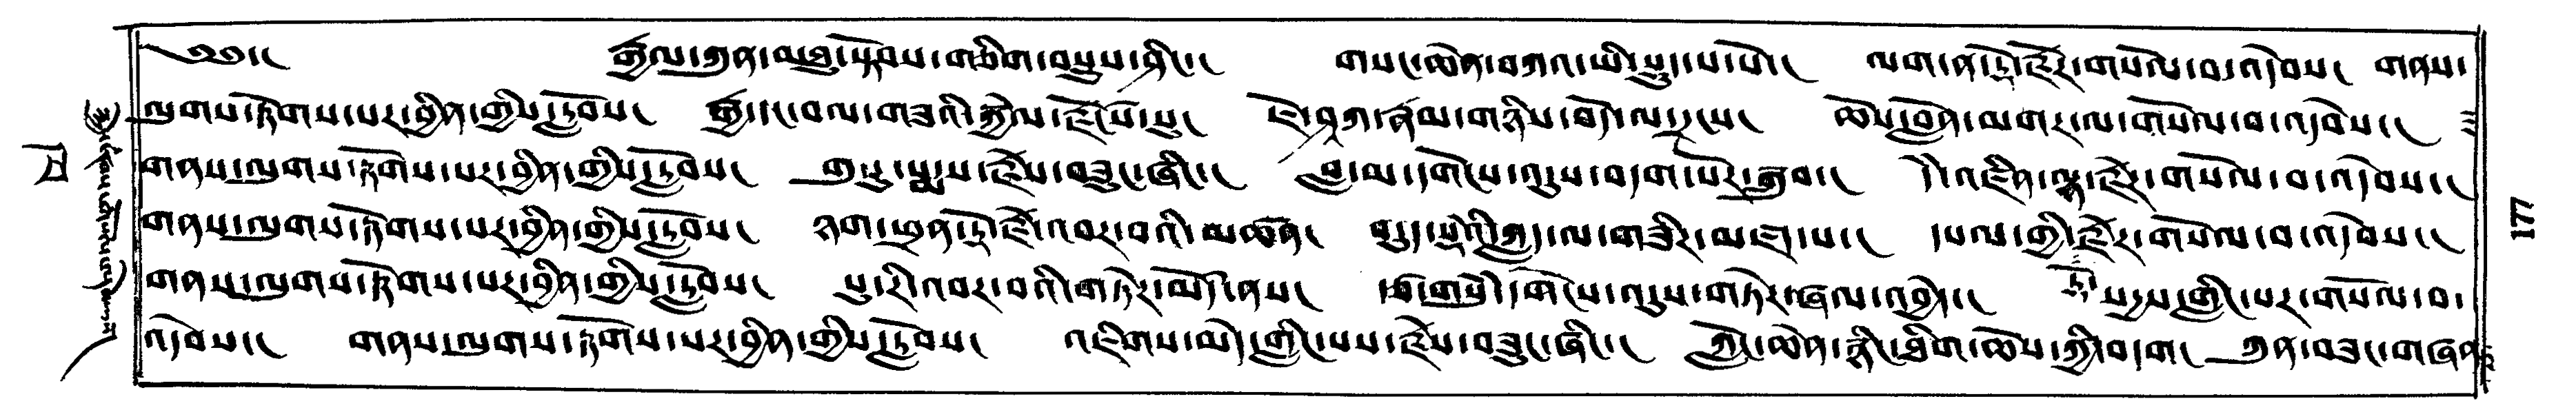རྒྱལ་ཀུན་མཐུ་སྟོབས་གཅིག་བསྡུས་ཤིང་། །གསང་ཆེན་བཀའ་ཡི་སྡུད་པ་པོ། །ལག་ན་རྡོ་རྗེར་གསོལ་བ་འདེབས། །གནས
ལུགས་རྟོགས་པར་བྱིན་གྱིས་རློབས། །རྒྱ་དང་བལ་བཟའི་སྐྱེལ་རྫོངས་སུ། །ཇོ་ཤཱཀ་རྣམ་གཉིས་བོད་ལ་དྲངས། །ཆོས་བློན་མགར་ལ་གསོལ་བ་འདེབས། །
གནས་ལུགས་རྟོགས་པར་བྱིན་གྱིས་རློབས། །གུ་རུ་པདྨས་རྗེས་བཟུང་ཞིང་། །བླ་མ་དགོངས་འདུས་བདག་པོར་སྒྲུབ། །དམ་འཛིན་ལྷ་རྗེར་གསོལ་བ་འདེབས། །
གནས་ལུགས་རྟོགས་པར་བྱིན་གྱིས་རློབས། །ཉག་ཕྲན་རྡོ་རྗེ་འབར་བའི་མཚོན། །བདུད་སྡེའི་ཀླད་ལ་གཟིར་མཛད་པ། །དཔལ་གྱི་རྡོ་རྗེར་གསོལ་བ་འདེབས། །
གནས་ལུགས་རྟོགས་པར་བྱིན་གྱིས་རློབས། །པུ་རི་འབར་བའི་གཏེར་མཛོད་ནས། །རྩ་གསུམ་དགོངས་འདུས་གཏེར་ཞལ་འབྱེད། །སངས་རྒྱས་གླིང་པར་གསོལ་བ་
འདེབས། །གནས་ལུགས་རྟོགས་པར་བྱིན་གྱིས་རློབས། །འཇིགས་མེད་གླིང་པས་རྗེས་བཟུང་ཞིང་། །ཀློང་ཆེན་སྙིང་ཐིག་ཆོས་ཀྱི་བདག །ཀུན་བཟང་གཞན་